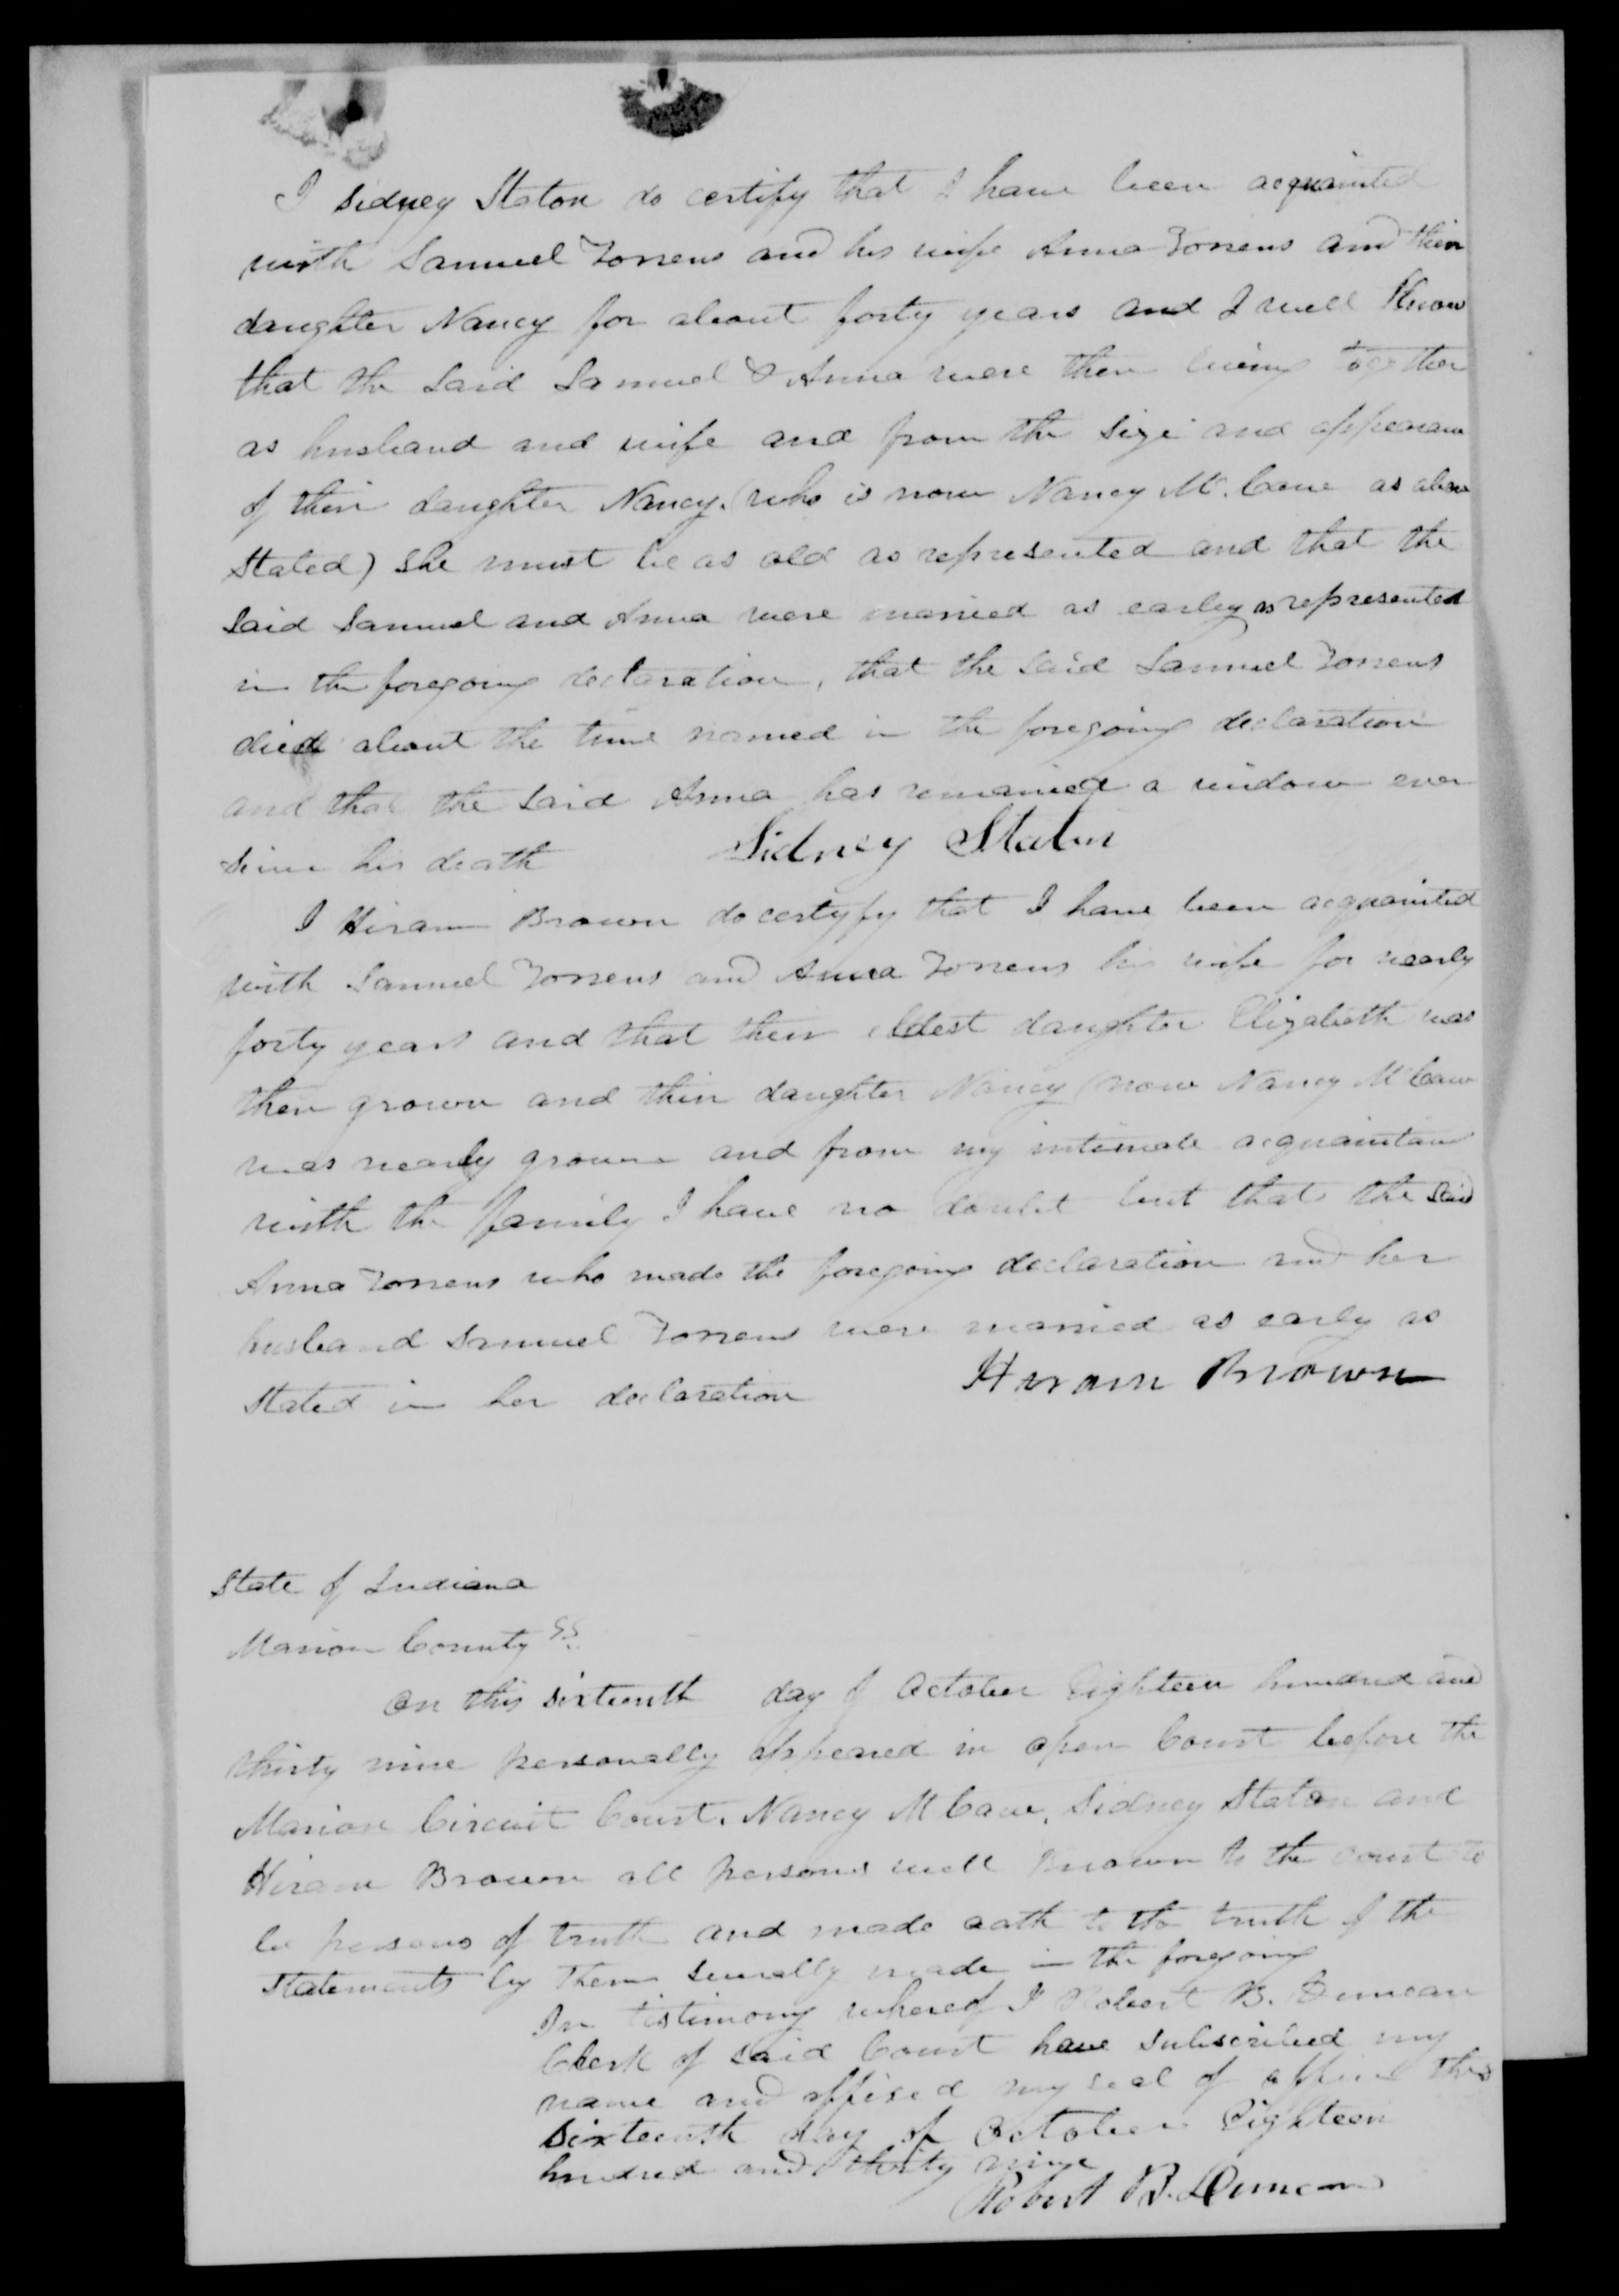I Sidney Staton do certify that I have been acquainted with Samuel Torrens and his wife Anna Torrens and their daughter Nancy for about forty years and I well know that the said Samuel & Anna were then living together as husband and wife and from the size and appearance of their daughter Nancy, (who is now Nancy McCaw as above stated) She must be as old as represented and that the said Samuel and Anna were married as early as represented in the foregoing declaration, that the said Samuel Torrens died about the time named in the foregoing declaration and that the said Anna has remained a widow ever since his death Sidney Staton

I Hiram Brown do certify that I have been acquainted with Samuel Torrens and Anna Torrens his wife for nearly forty years and that their eldest daughter Elizabeth was then grown and their daughter Nancy McCaw was nearly grown and from my intimate acquaintance with the family I have no doubt but that the said Anna Torrens who hade the foregoing declaration and her husband Samuel Torrens were married as early as stated in her declaration Hiram Brown

State of Indiana
Marion County SS
On this sixteenth day of October Eighteen hundred and thirty nine personally appeared in open Court before the Marion Circuit Court, Nancy McCaw, Sidney Staton, and Hiram Brown all persons well known tot he court to be persons of truth and made oath to the truth of the statements by them severally made in the foregoing
In testimony whereof I Robert B. Duncan Clerk of said Court have subscribed my name and affixed my seal of office this Sixteenth day of October Eighteen hundred and forty nine
Robert B. Duncan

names: Samuel Torrens, Nancy M Caw, Sidney Staton, Anna, Anna, Robert B Duncan, Nancy Mc Caw, Samuel, Hiram Brown, Hiram Brown, Nancy, Samuel, Elizabeth, Nancy, Anna Torrens, Hiram Brown, Sidney Staton, Robert B Duncan, Anna Torrens, Samuel Torrens, Nancy, Anna Torrens, Samuel Torrens, Nancy Mc Caw, Anna, Samuel Torrens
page: 16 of 27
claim: widow's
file: W. 9860, Samuel Torrons, Va.